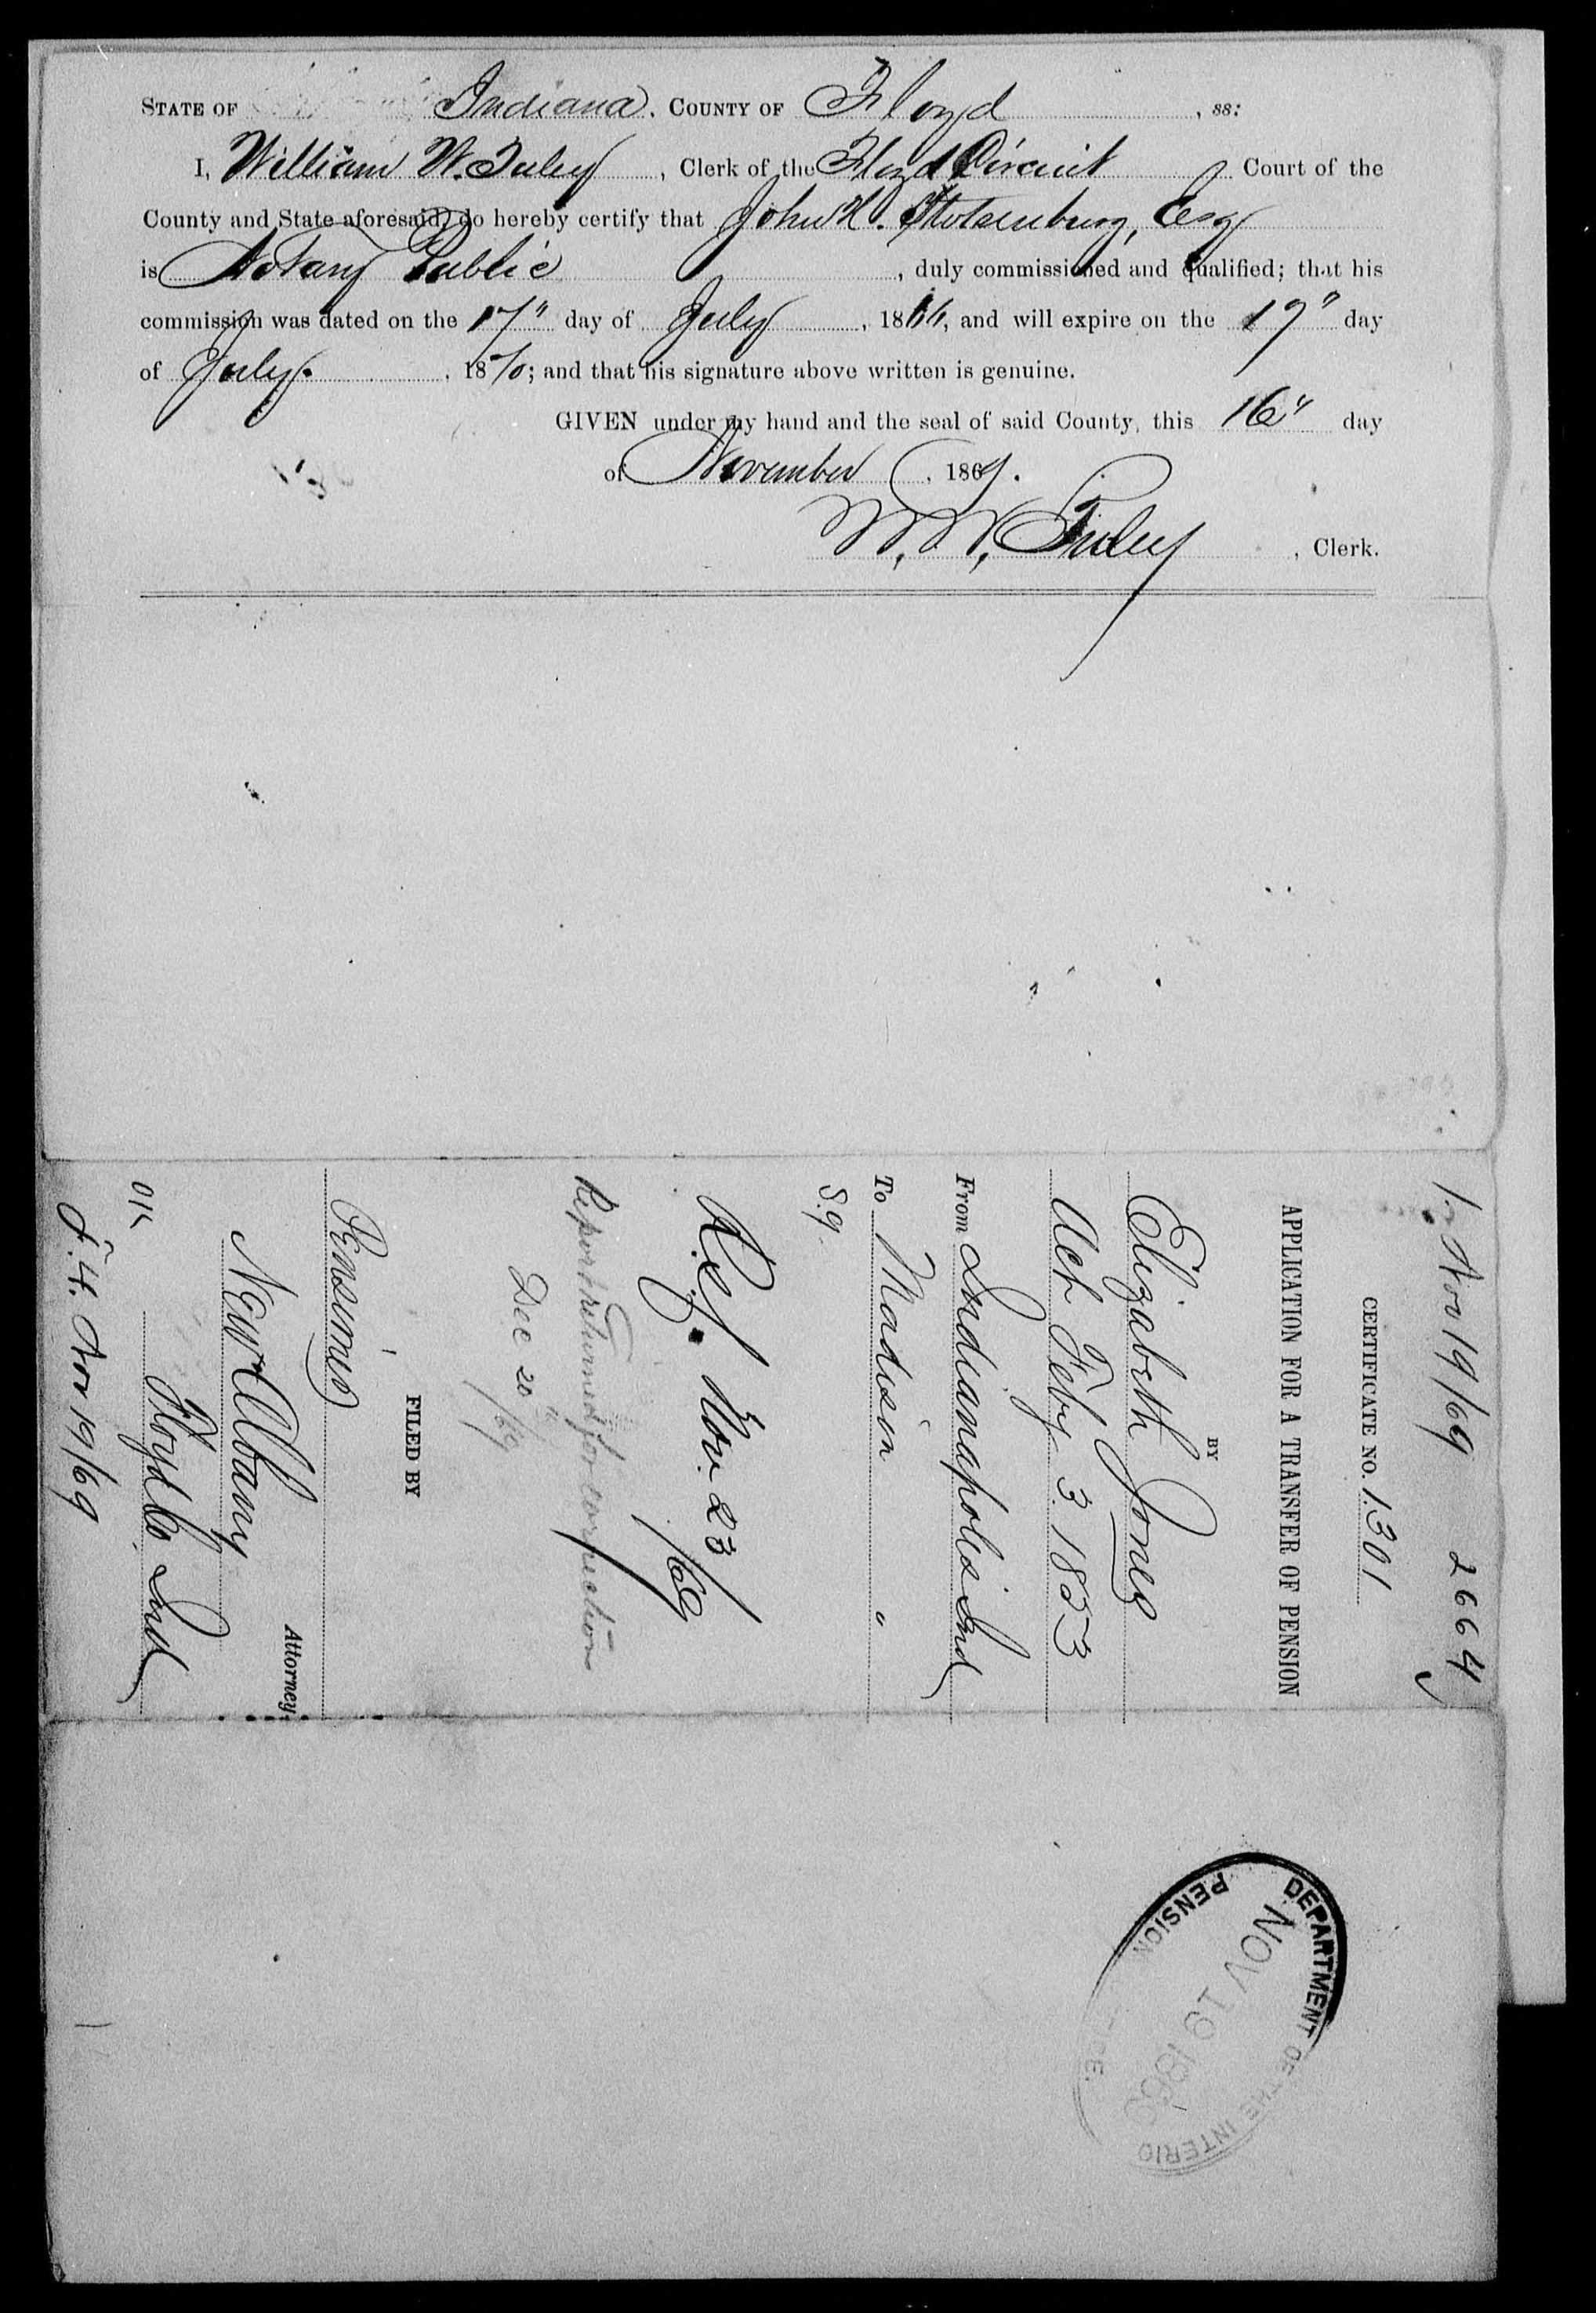[Form with handwritten responses]
STATE OF
Indiana County of Floyd, ss:
I, William W. Tuley,
Clerk of the Floyd Circuit
Court of the
County and State aforesaid hereby certify that John K Stotsenburg, Esq
Notary Public,
duly commissioned and qualified; that his
commission was dated on the 17th day of July
1866, and will expire on the 19th day
1870; and that his signature above written is genuine.
 
GIVEN under my hand and the seal of said County, this 16th day
of November 1869.
M.M. Puley

[Form with handwritten responses perpendicular to the other attached form above]
1 Nov 19/69 2664 [handwritten check mark]
CERTIFICATE NO. 1301
APPLICATION FOR A TRANSFER OF PENSION
BY Elizabeth Jones
Act Feby 3, 1823
From Indianapolis, Ind
Tp Madison "
S.g
Ref Nov 23/69
Report returned for correction Dec 20/69
FILED BY
Pensions 
Attorney
New Albany
Floyd Co Ind
OK
T.4. Nov 19/69
[Black oval stamp: DEPARTMENT OF THE INTERIOR PENSION OFFICE NOV 19 1869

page: 43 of 62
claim: widow's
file: W. 765, for Richard L Jones, Connecticut